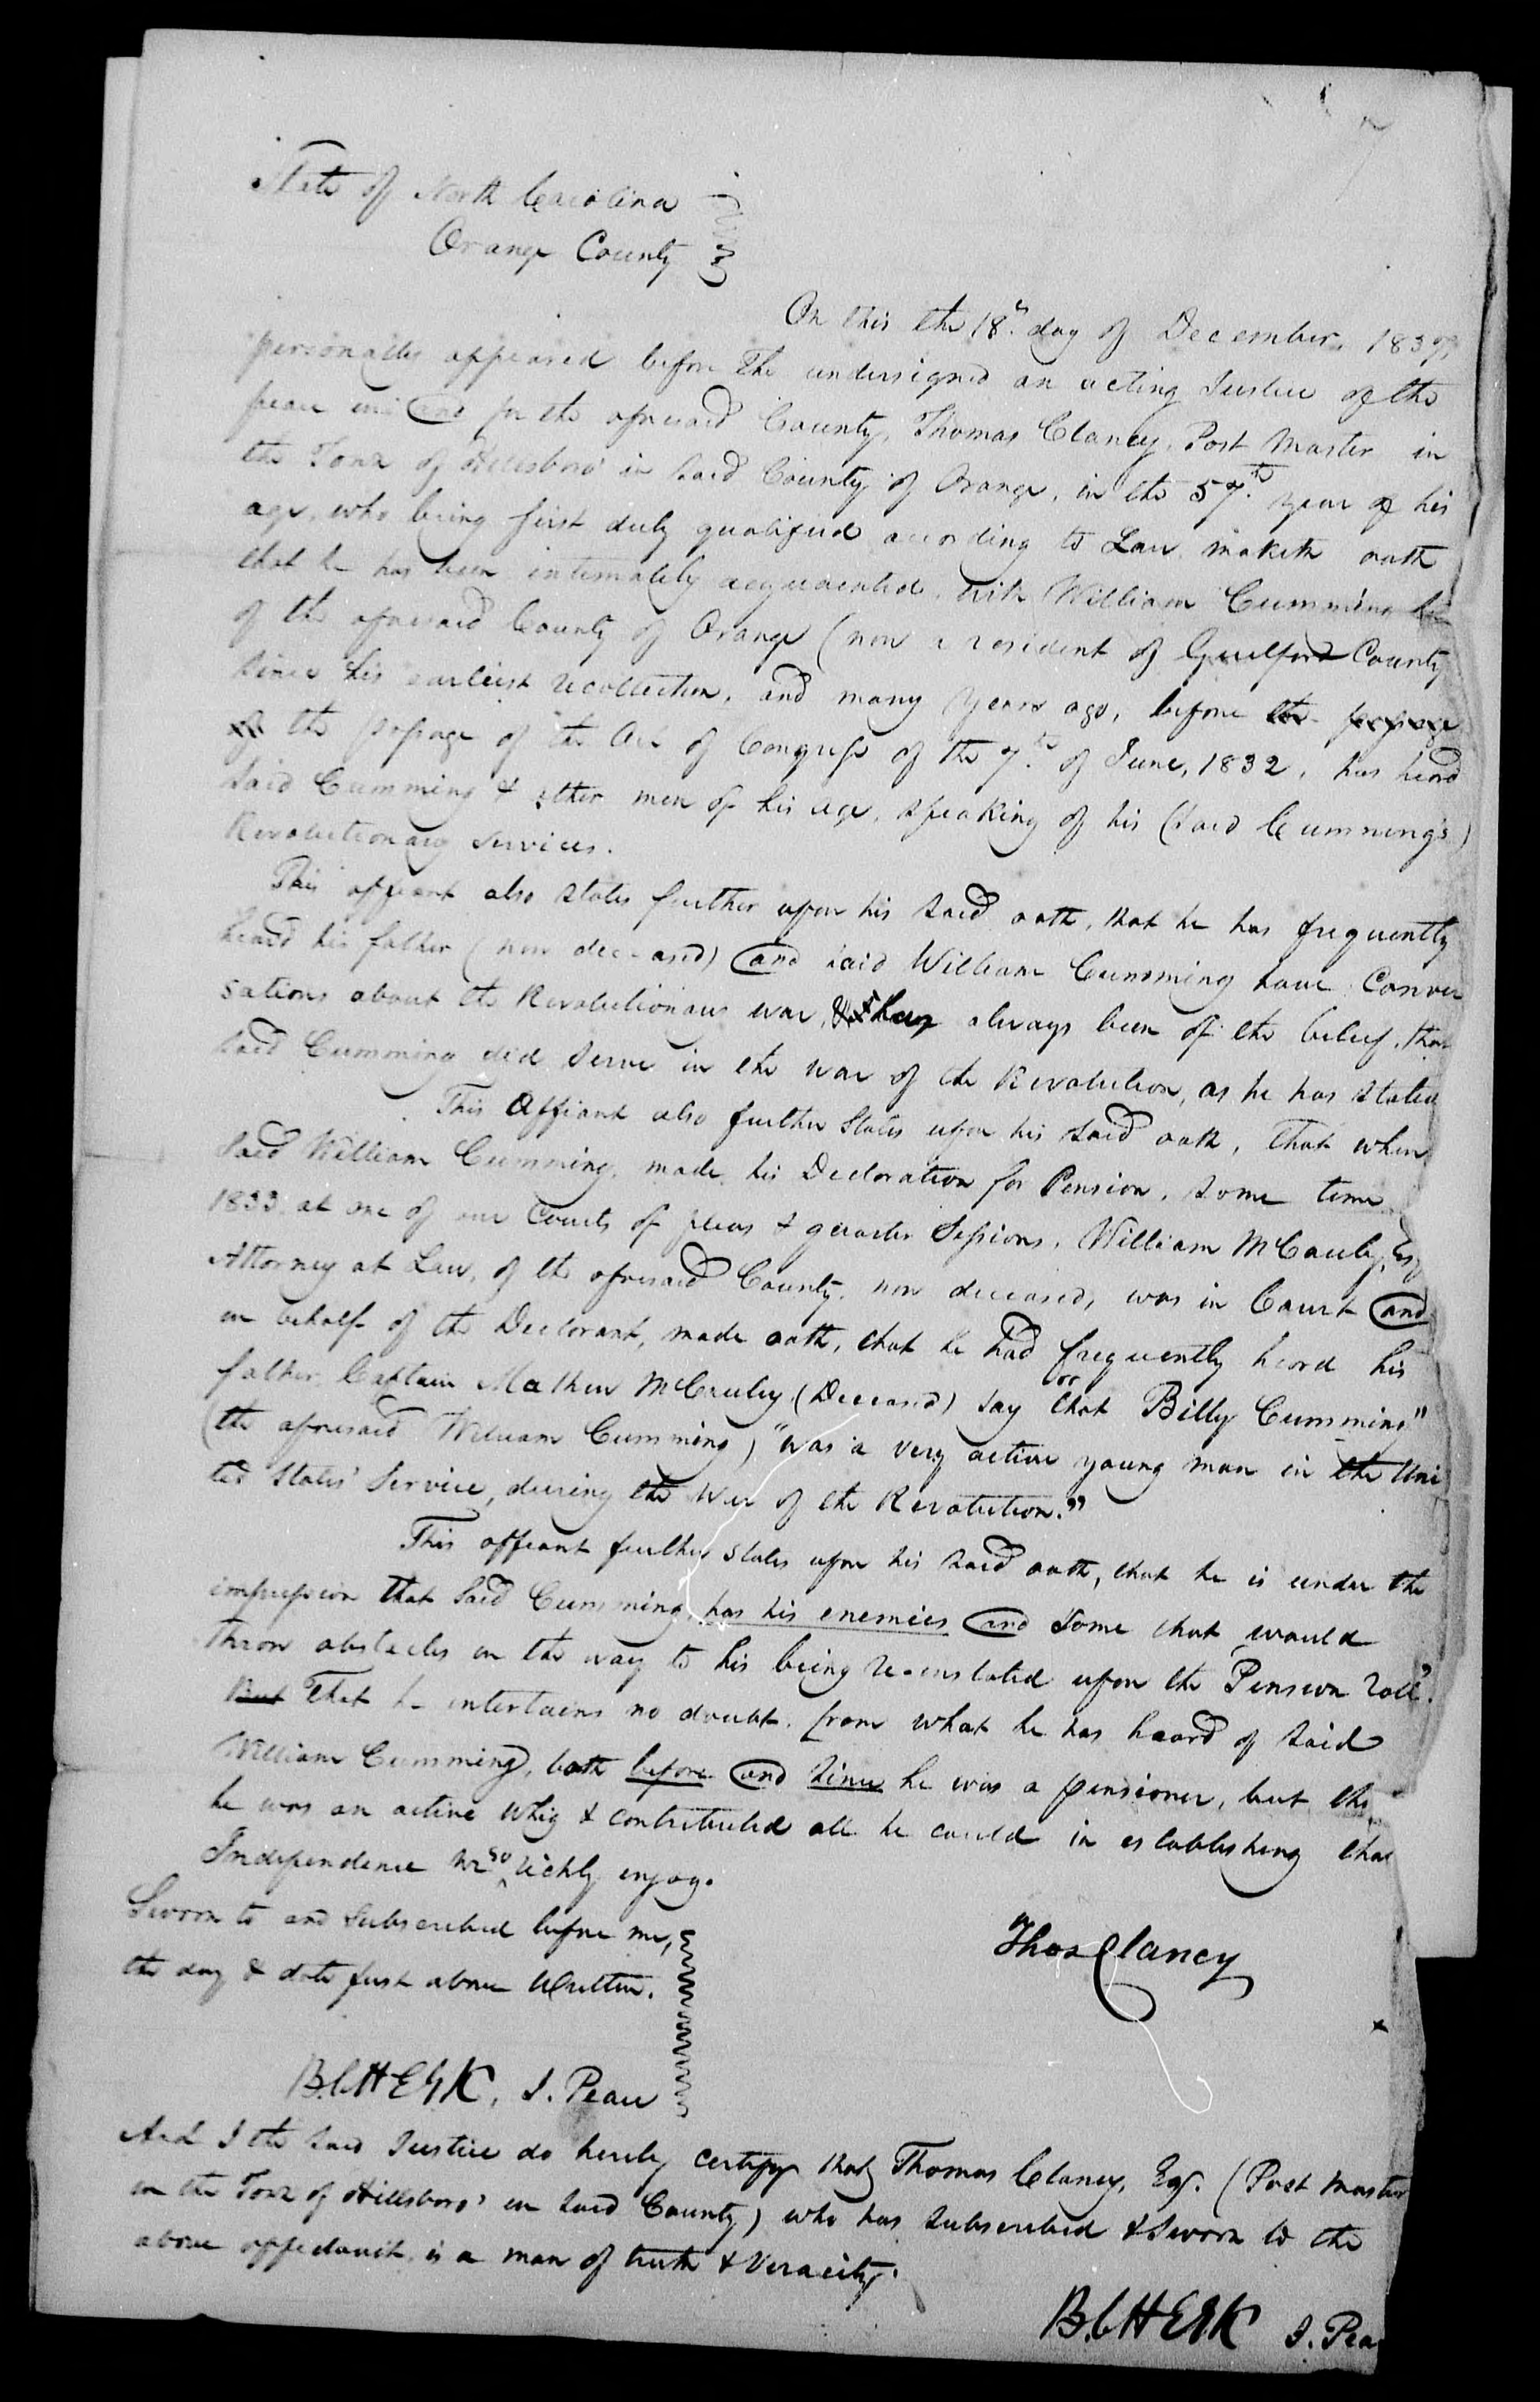[Handwritten record.  Occasional spacing has been included to make the long text block easier to read.]

State of North Carolina
Orange County)

On this the 18th. day of December. 1837 personally appeared before the undersigned an acting Justice of the peace in and for the aforesaid County, Thomas Clancy, Post Master in the Town of Hillsboro in Said County of Orange, in the 57th. year of his age, who being first duly qualified according to Law. maketh oath that he has been intimately acquainted, with William Cumming [torn edge] of the aforesaid County of Orange (now a resident of Guilford County

Since his earliest recollection, and many years ago, before [here "the passage of" was stricken through, then re-written] the passage of the Act of Congress of the 7th. of June, 1832, has heard Said Cumming and other men of his age, speaking of his (Said Cumming's) Revolutionary Services.

This affiant also states further upon his Said oath, that he has frequently heard his father (now deceased) and Said William Cumming have Conversations about the Revolutionary War, and [here the next word was overwritten to read:] has always been of the belief, that said Cumming did Serve in the War of the Revolution, as he has Stated [torn paper edge]

The affiant also further States upon his Said oath, that when Said William Cumming. made his Declaration for Pension, some time., -[torn paper edge] 1833, at one of our Courts of pleas and quarter Sessions.  William M Cauly [or McCauly] Esq___ [torn edge] Attorney at Law, of the aforesaid County, now deceased, was in Court [here the following word was encircled] and on behalf of the Declarant, made oath, that he had frequently heard his father, Captain Mathew McCauley (Deceased), say "that Billy Cummins" [or "Cumming"] (the aforesaid William Cummins [or Cumming] "was a Very active young man in the United States Service, during the War of the Revolution."

This affiant further States upon his Said oath, that he is under the impression that the Said Cumming, [here the next three words were underlined] has his enemies [here the word "and" is encircled] Some that would throw obstacles on the way to his being reinstated upon the 'Pension roll.'  [Here the word "But" is stricken through.] That he entertains no doubt. from what he has heard of Said William Cumming, both [here the next word is underlined] before [here "and" is encircled] [now the word "Since" is underlined]  he was a pensioner, but th_t [torn page edge] he was an active Whig and contributed all he could in establishing that Independence we ^so richly enjoy.

Swron to and Subscribed before me)
the day and date first above Written)    [Signature in dark ink] Thos Clancy

B.[?L. or ?C]HEGK, J Peace [Justice of the Peace]
And I the said Justice do hereby Certify that Thomas Clancy [or Claney], Esq. (Post Master of the Town of Hillsboro' in Said County) who has subscribed and Sworn to the above affedavit [or affidavit], is a man of truth and Veracity.
B. L [or C or B.]HERK  J. Pea___ [torn paper edge, but probably meaning Justice of the Peace]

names: William Mc Cauley, Mathew Mc Cauley, Cummings, Thomas Clancy, Thos Clancy, William Cumming, William Cumming, B C Herk, B C Herk, William Cumming, William Cumming, Thomas Clancy, Cumming, Billy Cumming, Cumming, Cumming, William Cumming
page: 10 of 145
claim: survivor's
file: S. 8265, William Cumming, N.C.